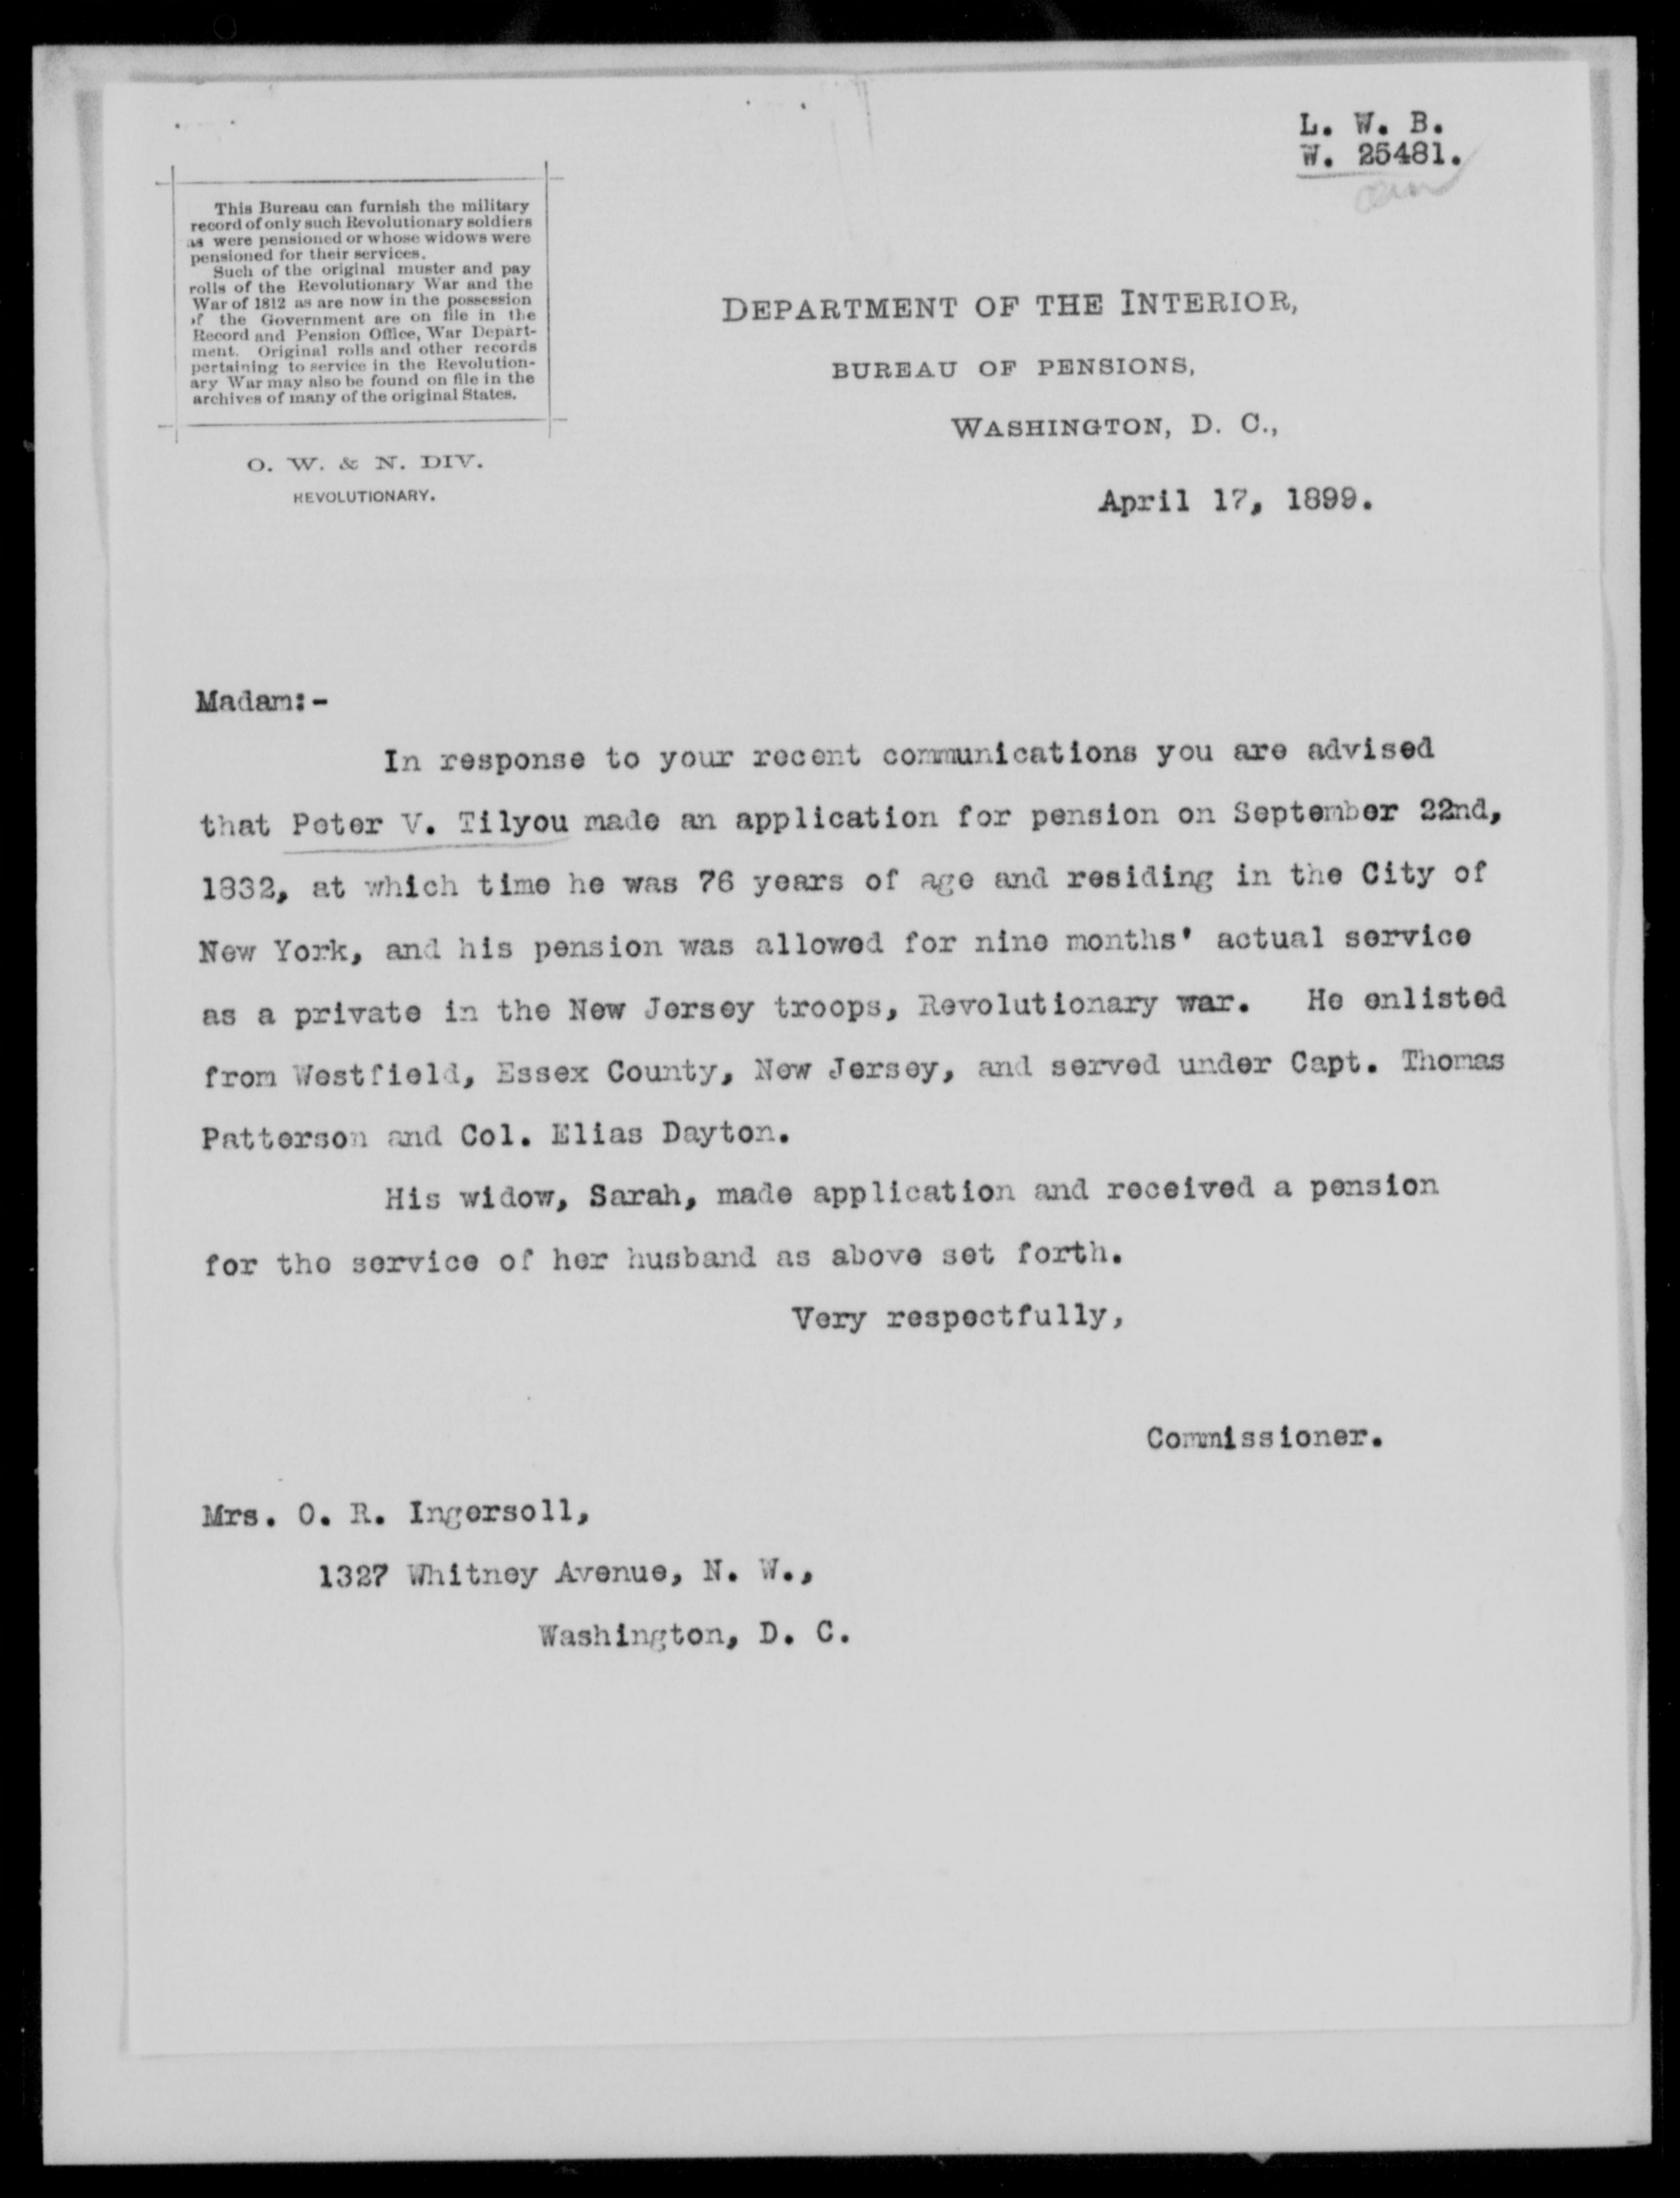This Bureau can furnish the military
record of only such Revolutionary soldiers
as were pensioned or whose widows were
pensioned for their services.
such of the original muster and pay
rolls of the Revolutionary War and the
War of 1812 as are now in the possession
of the Government are on file in the
Record and Pension Office, War Department
. Original rolls and other records
pertaining to service in the Revolution
ary War may also be found on file in the
archives of many of the original States.

O. W. & N. DIV.
REVOLUTIONARY.

L. W. B.
W. 25481.

DEPARTMENT OF THE INTERIOR,
BUREAU OF PENSIONS,
WASHINGTON, D. C.,
 April 17, 1899.
Madam:-

In response to your recent communications you are advised
that Peter V. Tilyou made an application for pension on September 22nd,
1832, at which time he was 76 years of age and residing in the City of
New York, and his pension was allowed for nine months' actual service
as a private in the New Jersey troops, Revolutionary war. He enlisted
from Westfield, Essex County, New Jersey, and served under Capt. Thomas
Patterson and Col. Elias Dayton.
His widow, Sarah, made application and received a pension
for the service of her husband as above set forth.
Very respectfully,
Commissioner.

Mrs. O. R. Ingersoll,
1327 Whitney Avenue, N.W.,
Washington, D. C.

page: 18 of 101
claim: widow's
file: W. 25481, for Peter V Tilyou, New Jersey